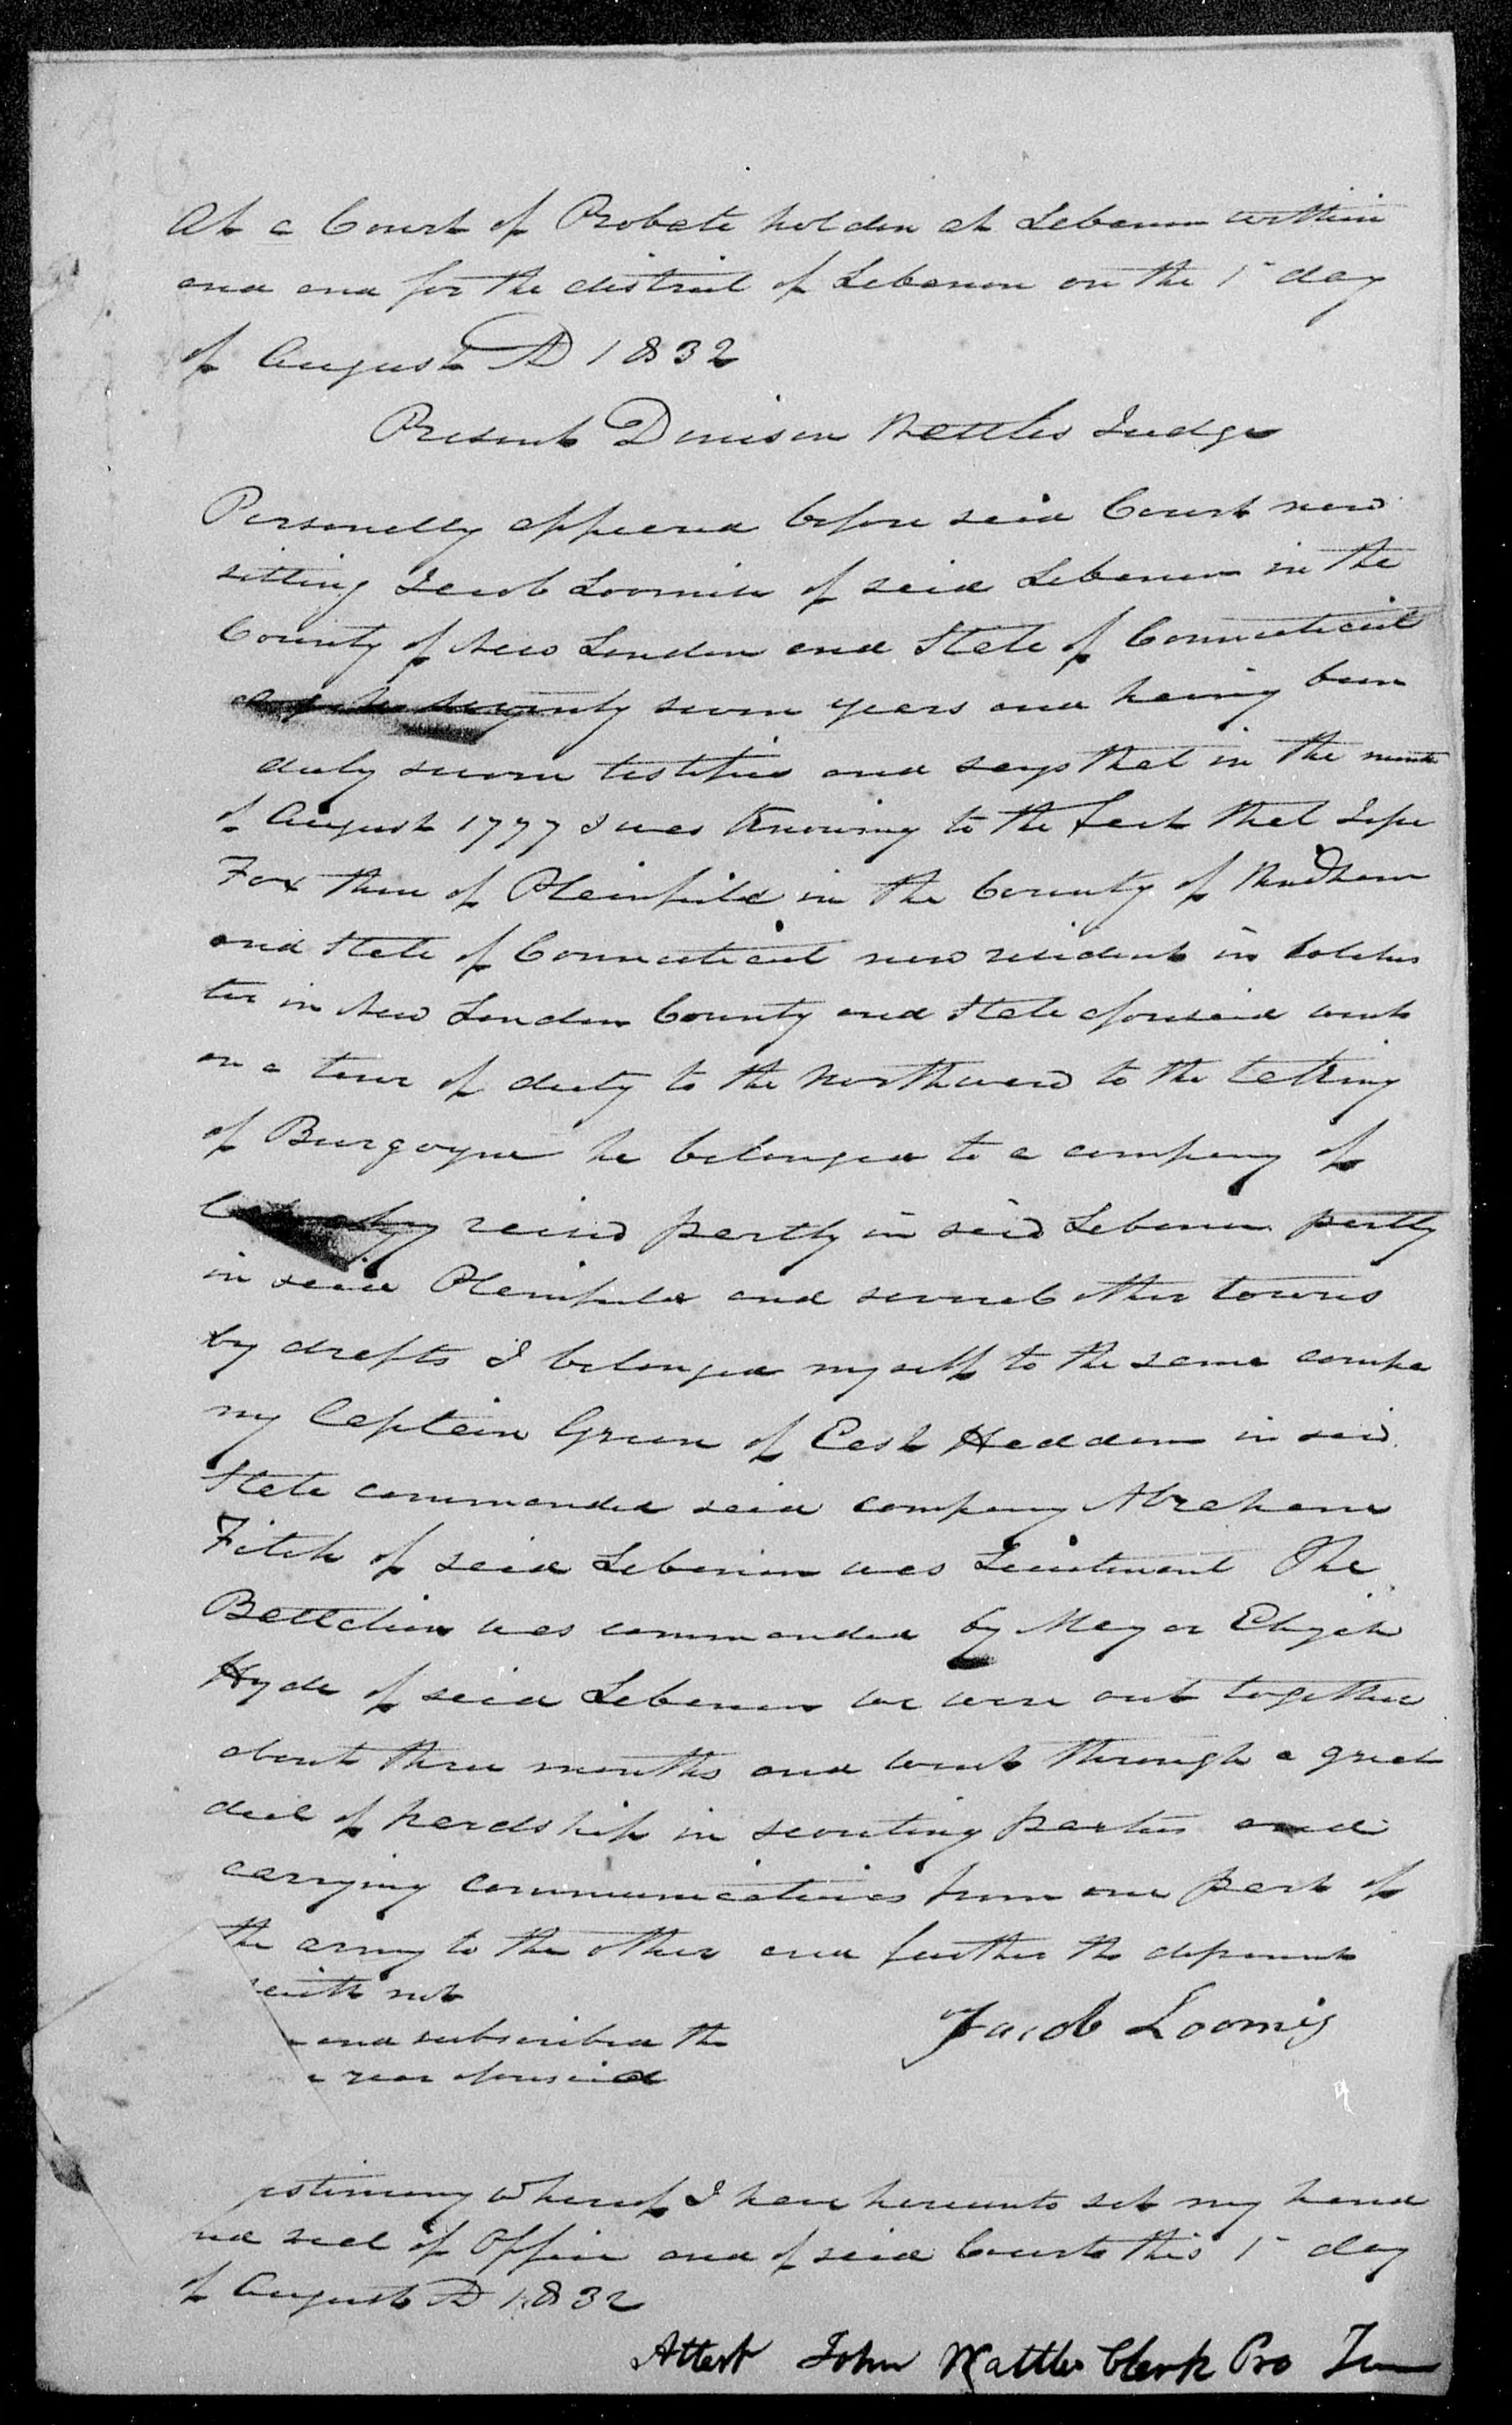At a Court of Probate holden at Lebanon within and and for the district of Lebanon on the 1st day of August AD 1832.
Presents Denison Wattles Judge

Personally appeared before said Court now sitting Jacob Loomis of said Lebanon in the county of New London and State of Connecticut, aged seventy seven years and having been duly sworn testifies and says that in the month of August 1777 I was knowing to the fact that Jesse Fox then of Plainfield, in the county of New London  and state of Connecticut now resident in Colchester a tour of duty to the northward to the taking of Burgoyne he belonged to a company of cavalry raised partly in said Lebanon partly in said Plainfield and several other towns by drafts I belonged my self to the same company Captain Green of East Hedden in said State commanded said company Abraham Fitch of said Lebanon was Lieutenant the battalion was commanded by May or Elijah Hyde of said Lebanon we were out together about three months and went through a great deal of hardships in scouting parties and carrying communications from one part of the army to the other and further the deponent saith not.

Jacob Loomis

Sworn and subscribed the day & year aforesaid.
In testimony whereof I have hereunto set my hand and seal of Office and of said Courts this 1st day of August AD 1832.

Attest John Wattles Clerk for Town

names: Abraham Fitch, John Wattles, Green, Jacob Loomis, Elijah Hyde, Jesse Fox, Jacob Loomis, Denison Wattles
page: 52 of 53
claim: rejected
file: R. 3732, Jesse Fox, Conn.